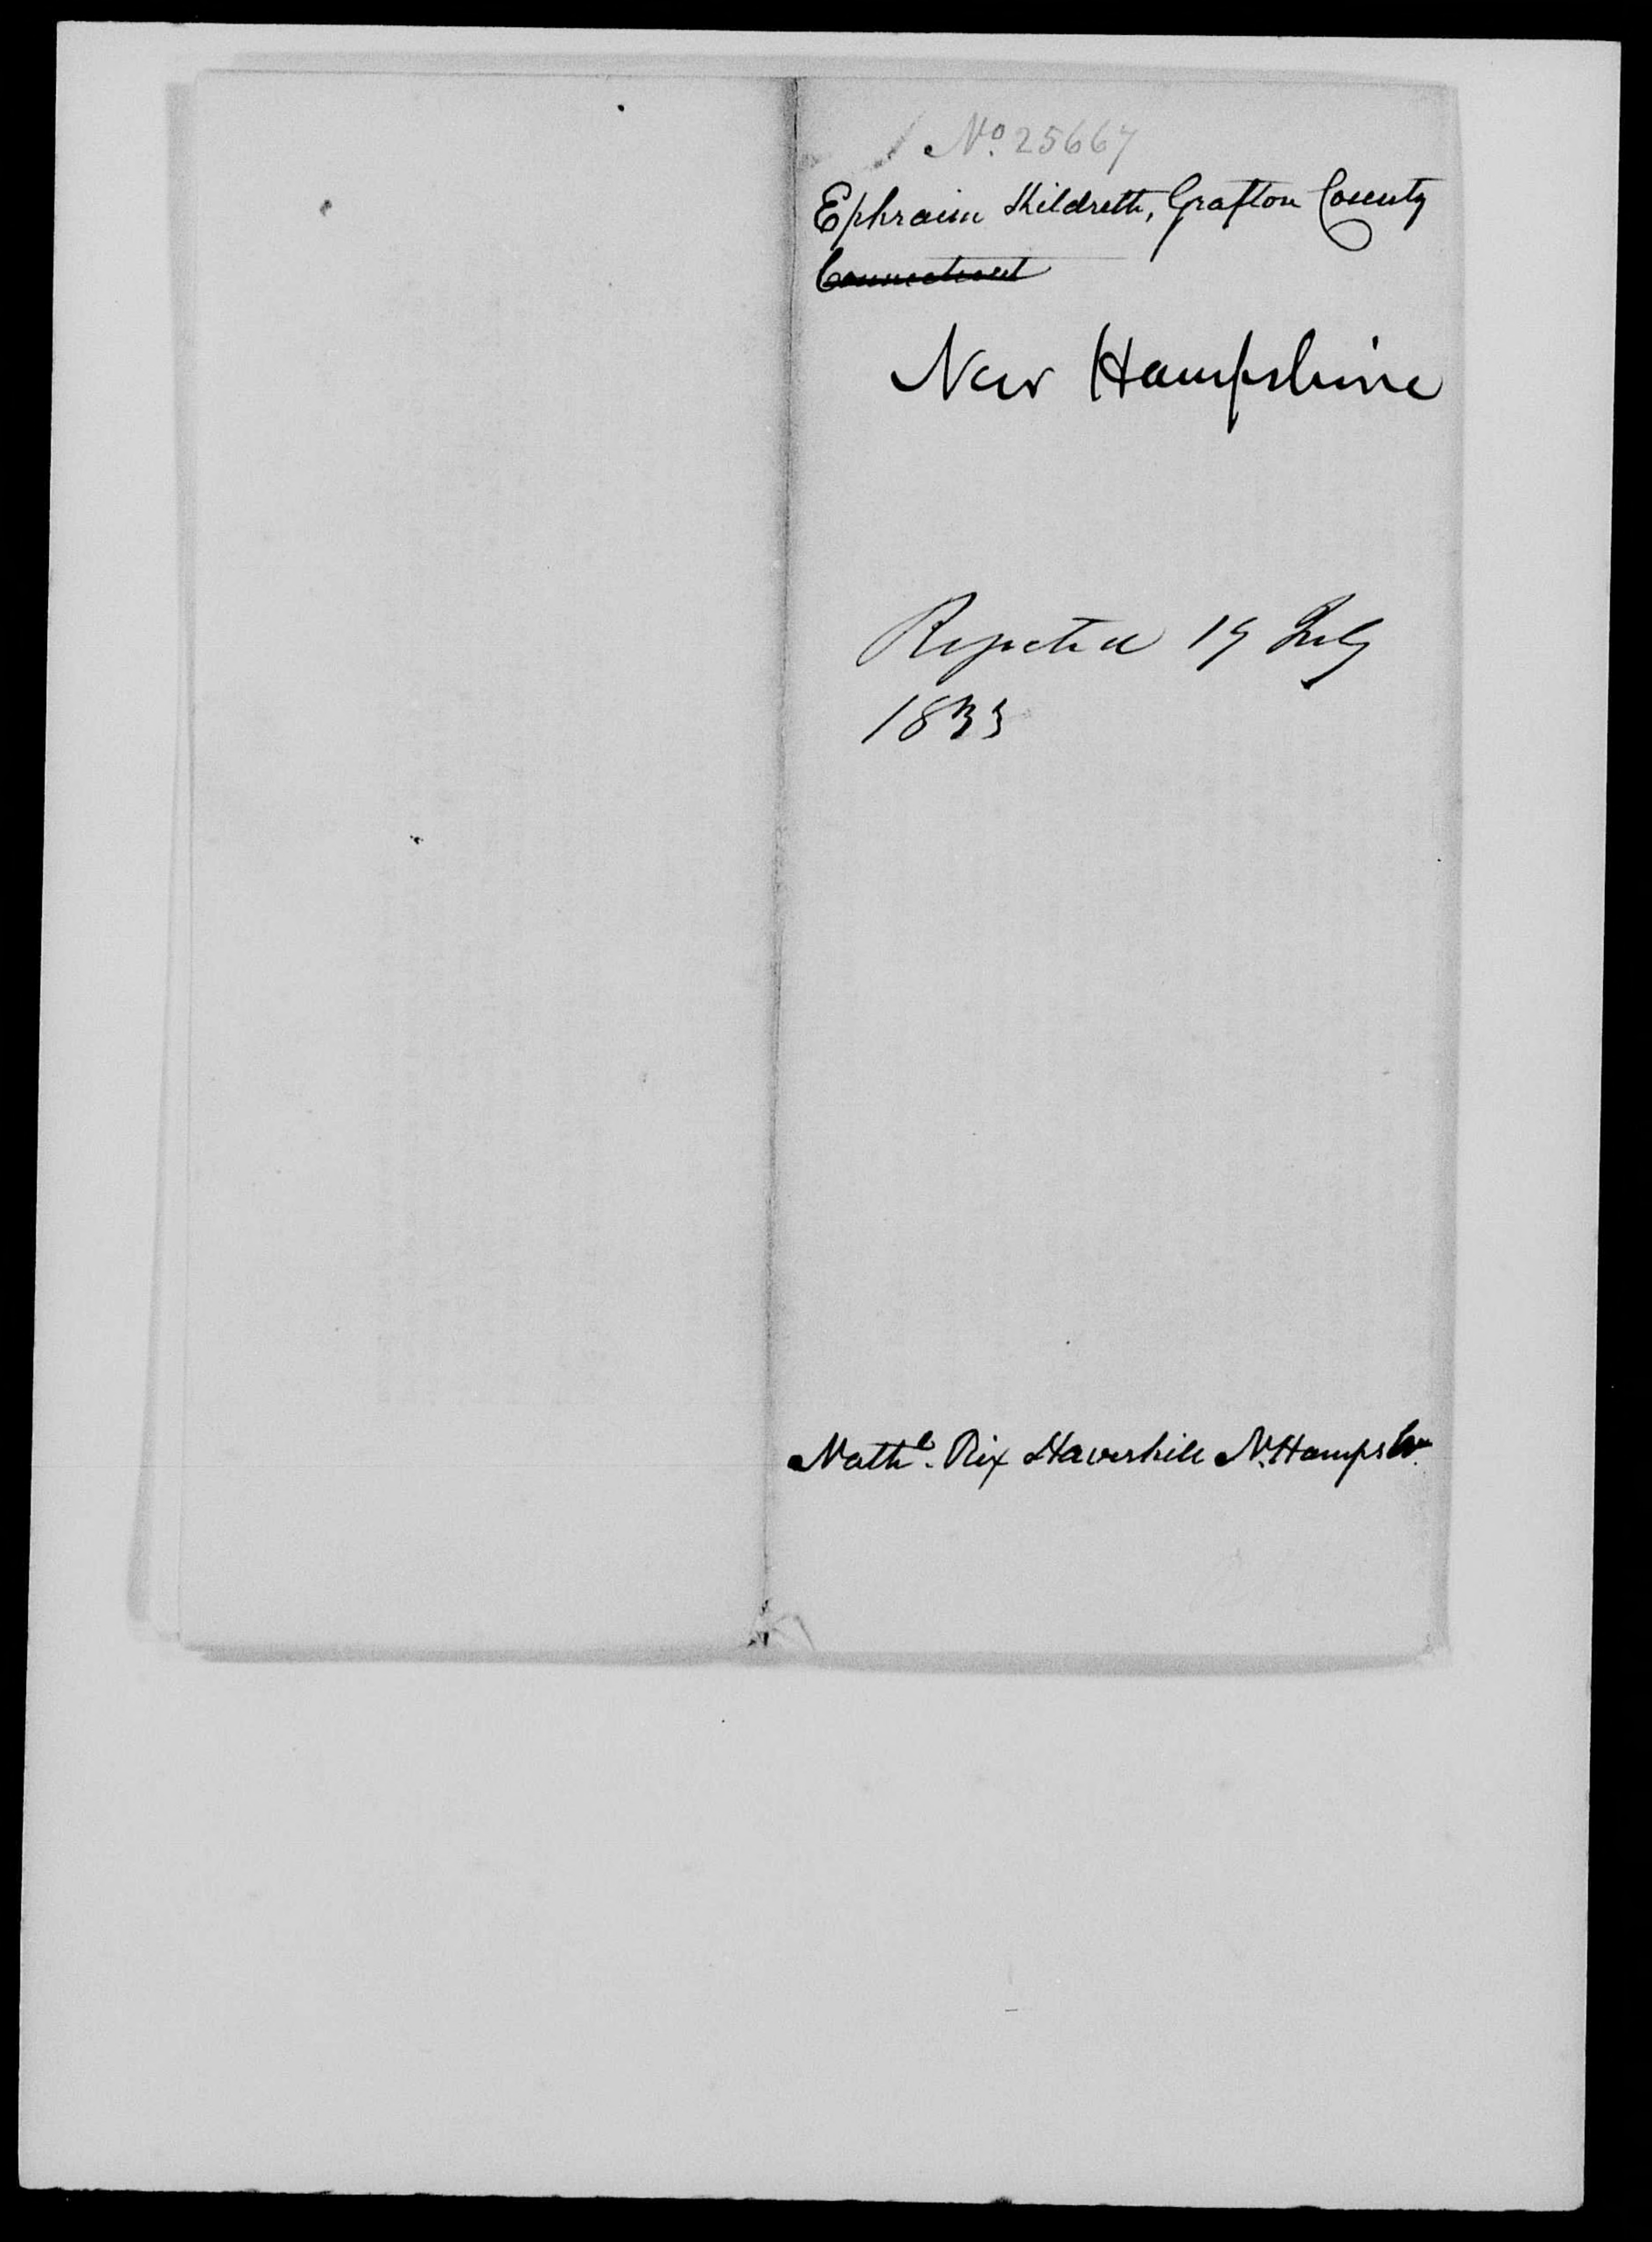No 25667
Ephraim Hildreth, Grafton County
(lined out-- Connecticutt)

New Hampshire

Rejected 19 July
1833

Nath(anie)l Rix Haverhill N. Hampshire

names: Ephraim Hildreth, Nathl Rix Haverhill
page: 4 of 17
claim: rejected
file: R. 4989, Ephraim Hildreth, N.H.